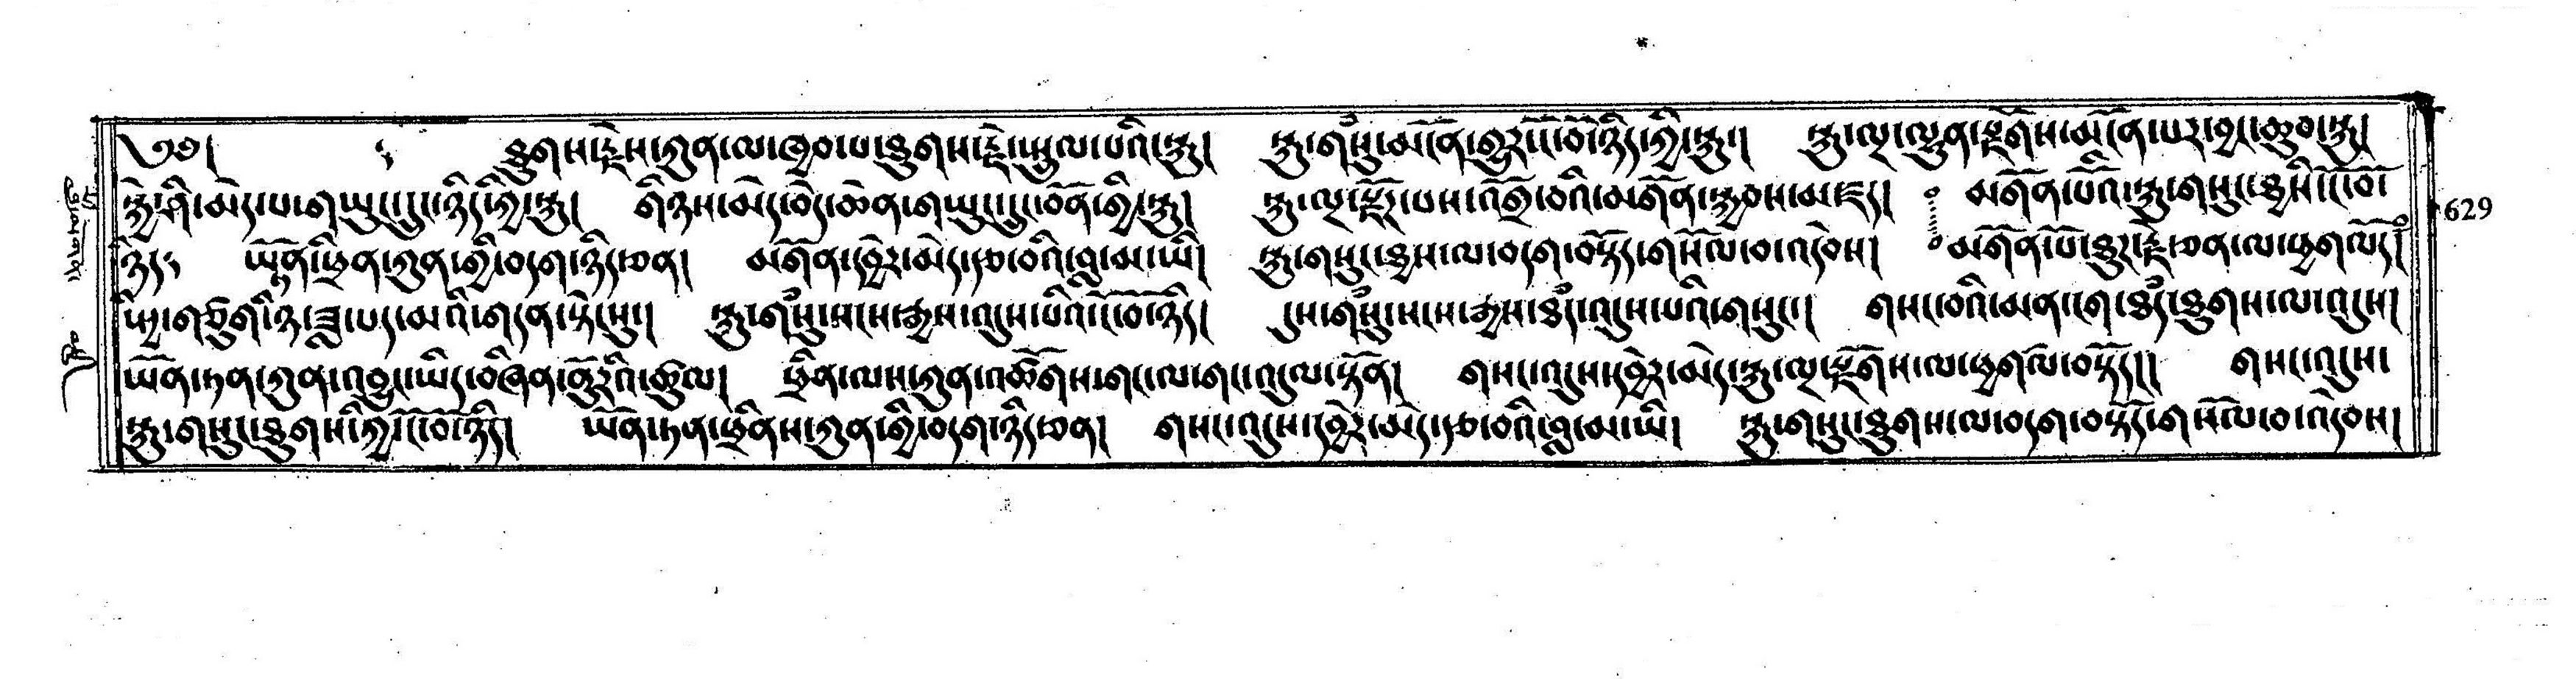ཐུགས་རྗེས་ཀུན་ལ་ཁྱབ་པ་ཐུགས་རྗེ་སྤྲུལ་པའི་སྐུ། སྐུ་གསུམ་མངོན་གྱུར་ངོ་བོ་ཉིད་ཀྱི་སྐུ། སྐུ་ལྔ་ལྷུན་རྫོགས་མངོན་པར་བྱང་ཆུབ་སྐུ། 
སྐྱེ་ཤི་མེད་པ་གཡུང་དྲུང་ཉིད་ཀྱི་སྐུ། གཉིས་མེད་བདེ་ཆེན་གཡུང་དྲུང་བོན་གྱི་སྐུ། སྐུ་ལྔ་རྫོགས་པས་འགྲོ་བའི་མགོན་སྐྱབས་མཛད། མགོན་པོ་ཐུགས་རྗེ་ཅན་ལ་ཕྱག་འཚལ་བསྟོད། མགོན་པོའི་སྐུ་གསུང་ཐུགས་ཀྱི་ངོ་བོ་
ཉིད། ཡོན་ཏན་ཕྲིན་ལས་ཀུན་གྱི་བདག་ཉིད་ཅན། མགོན་པོ་དབྱེར་མེད་རྩ་བའི་བླ་མ་ཡི། སྐུ་གསུང་ཐུགས་ལ་བདག་བསྟོད་གསོལ་བ་འདེབས། 
སྤྱི་གཙུག་ཉི་ཟླ་པད་མའི་གདན་སྟེངས་སུ། སྐུ་གསུམ་སངས་རྒྱས་འདུས་པའི་ངོ་བོ་ཉིད། དུས་གསུམ་སངས་རྒྱས་ཐམས་ཅད་འདུས་པའི་གསུང་། གསང་བའི་མན་ངག་ཐམས་ཅད་ཐུགས་ལ་འདུས། 
ཡོན་ཏན་ཀུན་འབྱུང་ཡིད་བཞིན་ནོར་བུའི་ཚུལ། ཕྲིན་ལས་ཀུན་འཚོགས་གང་ལ་གང་འདུལ་སྟོན། གསང་འདུས་དབྱེར་མེད་སྐུ་ལྔ་རྫོགས་ལ་ཕྱག་འཚལ་བསྟོད།། གསང་འདུས་
སྐུ་གསུང་ཐུགས་ཀྱི་ངོ་བོ་ཉིད། ཡོན་ཏན་ཕྲིན་ལས་ཀུན་གྱི་བདག་ཉིད་ཅན། གསང་འདུས་དབྱེར་མེད་རྩ་བའི་བླ་མ་ཡི། སྐུ་གསུང་ཐུགས་ལ་བདག་བསྟོད་གསོལ་བ་འདེབས།